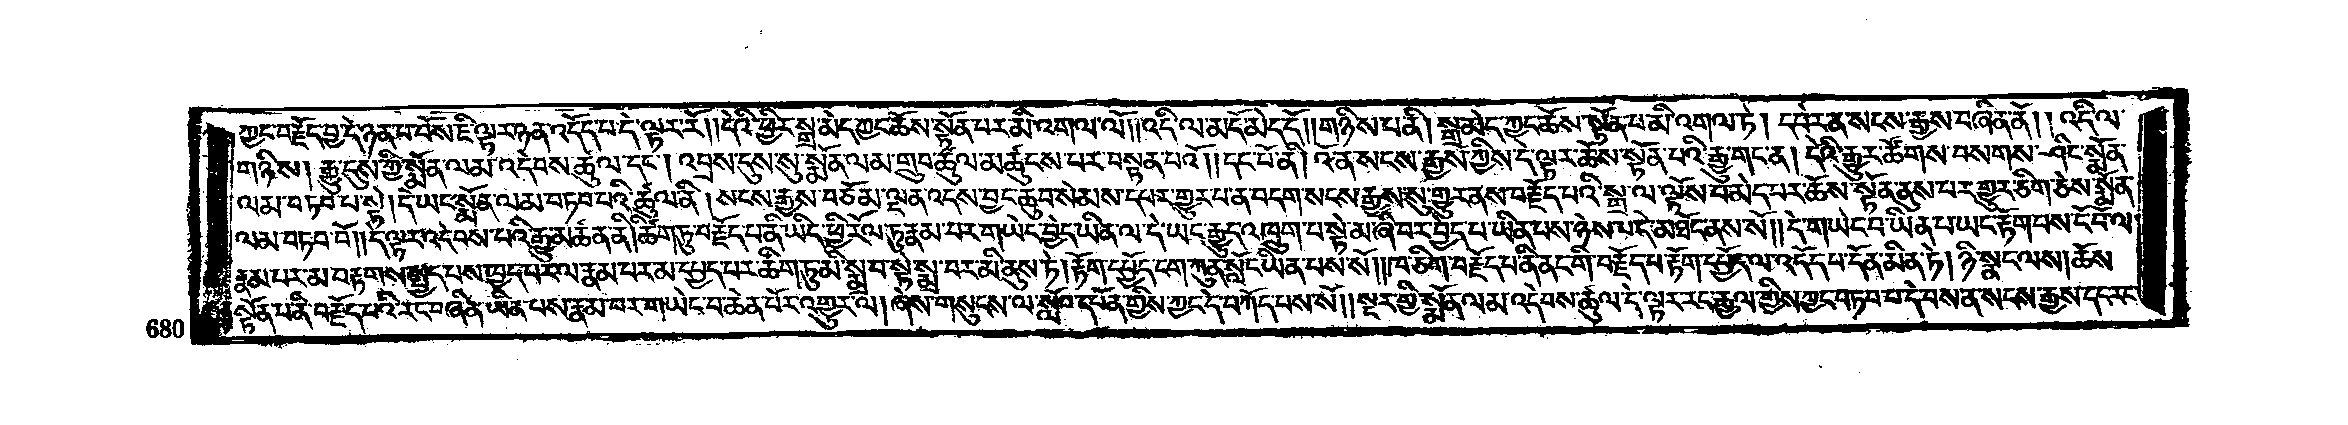ཀྱང་བརྗོད་བྱ་དེ་ཉན་པ་པོས་ཇི་ལྟར་ཉན་འདོད་པ་དེ་ལྟར་རོ། །དེའི་ཕྱིར་སྒྲ་མེད་ཀྱང་ཆོས་སྟོན་པར་མི་འགལ་ལོ། །འདི་ལ་མདོ་མེད་དོ། །གཉིས་པ་ནི། སྒྲ་མེད་ཀྱང་ཆོས་སྟོན་པ་མི་འགལ་ཏེ། དཔེར་ན་སངས་རྒྱས་བཞིན་ནོ། །འདི་ལ་
གཉིས། རྒྱུ་དུས་ཀྱི་སྨོན་ལམ་འདེབས་ཚུལ་དང་། འབྲས་དུས་སུ་སྨོན་ལམ་གྲུབ་ཚུལ་མཚུངས་པར་བསྟན་པའོ། །དང་པོ་ནི། འོ་ན་སངས་རྒྱས་ཀྱིས་དེ་ལྟར་ཆོས་སྟོན་པའི་རྒྱུ་གང་ན། དེའི་རྒྱུར་ཚོགས་བསགས་ཤིང་སྨོན་
ལམ་བཏབ་པ་སྟེ། དེ་ཡང་སྨོན་ལམ་བཏབ་པའི་ཚུལ་ནི། སངས་རྒྱས་བཅོམ་ལྡན་འདས་བྱང་ཆུབ་སེམས་དཔར་གྱུར་པ་ན་བདག་སངས་རྒྱས་སུ་གྱུར་ནས་བརྗོད་པའི་སྒྲ་ལ་ལྟོས་པ་མེད་པར་ཆོས་སྟོན་ནུས་པར་གྱུར་ཅིག་ཅེས་སྨོན་
ལམ་བཏབ་བོ། །དེ་ལྟར་འདེབས་པའི་རྒྱུ་མཚན་ནི། ཚིག་ཏུ་བརྗོད་པ་ནི་ཡིད་ཕྱི་རོལ་ཏུ་རྣམ་པར་གཡེང་བྱེད་ཡིན་ལ་དེ་ཡང་རྒྱུད་འཁྲུག་པ་སྟེ་མ་ཞི་བར་བྱེད་པ་ཡིན་པས་ཉེས་པ་དེ་མཐོང་ནས་སོ། །དེ་གཡེང་བ་ཡིན་པ་ཡང་རྟོག་པས་ངོ་བོ་ལ་
རྣམ་པར་མ་བརྟགས་སྤྱད་པས་ཁྱད་པར་ལ་རྣམ་པར་མ་དཔྱད་པར་ཚིག་ཏུ་མི་སྨྲ་བ་སྟེ་སྨྲ་བར་མི་ནུས་ཏེ། རྟོག་དཔྱོད་ངག་ཀུན་སློང་ཡིན་པས་སོ། །ཁ་ཅིག་བརྗོད་པ་ནི་ནང་གི་བརྗོད་པ་རྟོག་དཔྱོད་ལ་འདོད་པ་དོན་མིན་ཏེ། ཉི་སྣང་ལས། ཆོས་
སྟོན་པ་ནི་བརྗོད་པའི་རང་བཞིན་ཡིན་པས་རྣམ་པར་གཡེང་བ་ཆེན་པོར་འགྱུར་ལ། ཞེས་གསུངས་ལ་སློབ་དཔོན་གྱིས་ཀྱང་དེ་བཀོད་པས་སོ། །སྔར་གྱི་སྨོན་ལམ་འདེབས་ཚུལ་དེ་ལྟར་རང་རྒྱལ་གྱིས་ཀྱང་བཏབ་པ་དེ་བས་ན་སངས་རྒྱས་དང་རང་